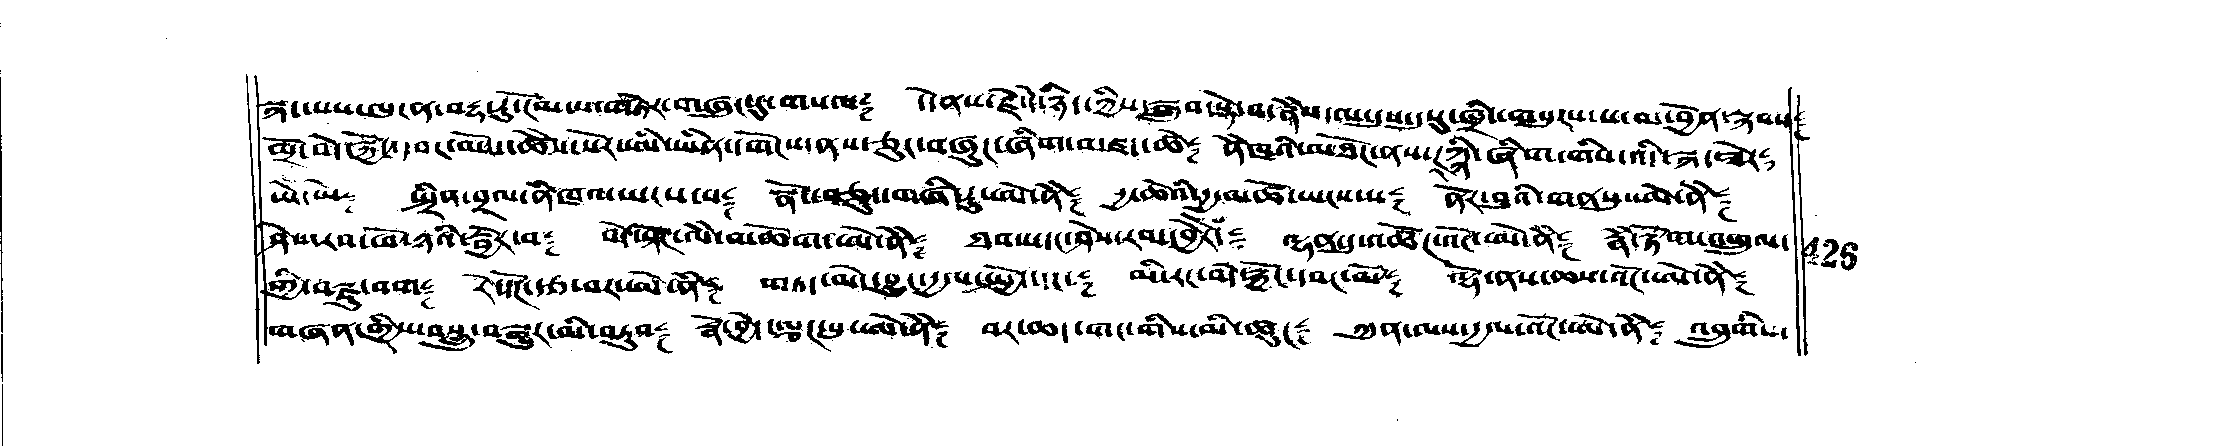སྐད་པས་ལུང་བསྟན་བརྡ་རུ་ངོམ་པ་གཏེར་གཞུང་དུ་གསལ། དེ་ནས་རྗེ་དེ་ཉིད་ཀྱིས་སྒྲུབ་སྡེ་བ་རྣམས་ལ་དུས་དུས་སུ་ཁྲིད་གསུངས་པ་མ་བྱོན་སྐབས། 
མཁའ་འགྲོ་བདེ་སྐྱོང་དབང་མོས་ཚམས་པོར་ཨི་ཡིན་དགོངས་ནས་ཅུང་བཞུགས་ཞིག་མཛད་ཚེ།ནམ་མཁའི་མཐོང་ནས་ཌཱཀྐི་ཞིག་གིས་འདི་སྐད་ཟེར། 
ཡེ་ཡེཿ སྤྲིན་བྲལ་ནམ་མཁའ་ཡངས་པ། །སྣོད་བཅུད་གཞི་རུ་ཨེ་ནམ། རྒྱ་ཆེའི་རྒྱ་མཚོ་ཡངས་པ། །ནོར་བུའི་གནས་སུ་ཨེ་ནམ། །
ཤེས་རབ་ཕོ་ཉའི་སྦྱོར་བ། །བདེ་སྟོང་ལམ་མཆོག་ཨེ་ནམ། །ཐབས་དང་ཤེས་རབ་དབྱེར་མེད། །ལྷན་དུ་འཚོགས་འོང་ཨེ་ནམ། །རྣམ་རྟོག་འཕྲུལ་
གྱི་བརྫུ་བག །རེ་དོགས་རྩ་བར་ཨེ་ནམ། །གཏད་མེད་བྱུང་རྒྱལ་སྤྱོད་དང་། །མི་རིང་བདེ་སྐྱོང་དབང་མོ། །ལྷོ་ནས་ཆས་འོང་ཨེ་ནམ། །
གཞན་གྱིས་བསླུ་བསྒྱུར་མི་བཏུབ། །རྣོ་བྱེད་ལྕགས་སུ་ཨེ་ནམ། །བར་ཆད་གང་གིས་མི་ཚུགས། །ཀུན་ལས་རྒྱལ་འོང་ཨེ་ནམ། །འབྲུག་གིས་